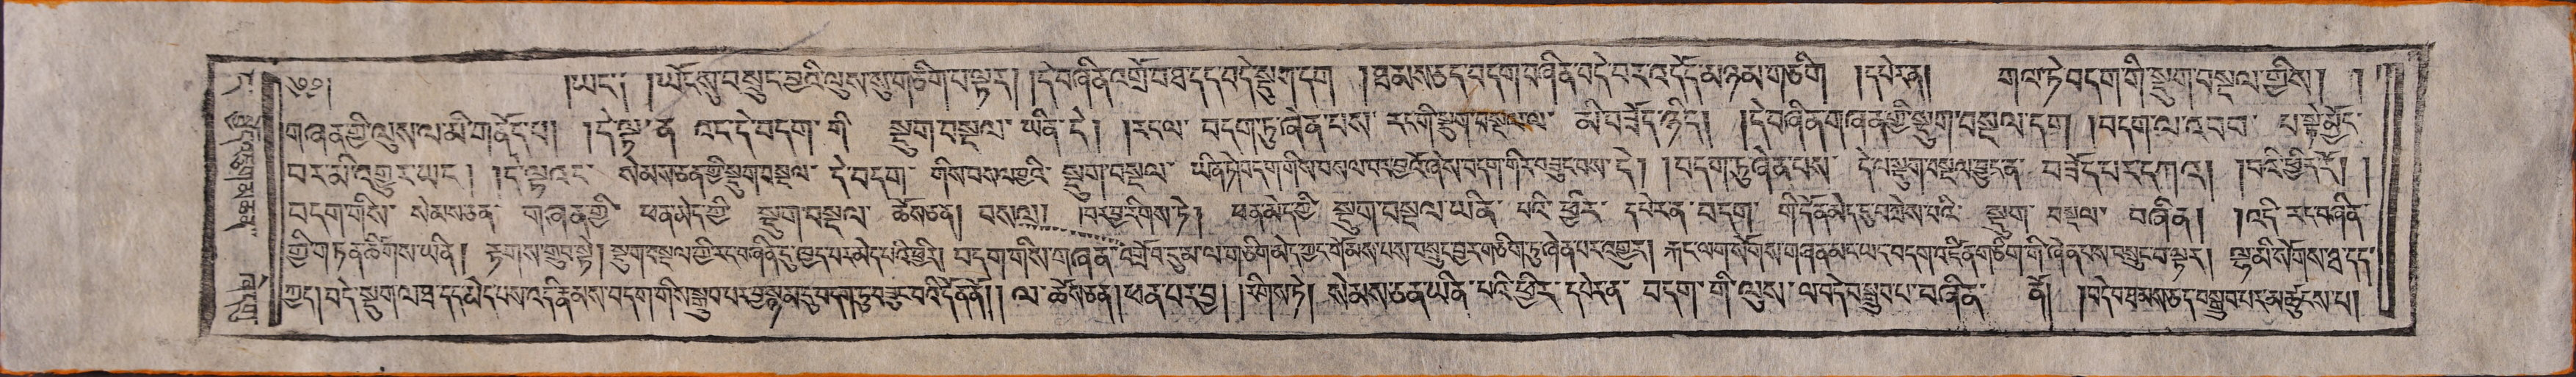༄༅། །ཡང༑ ༑ཡོངྶུ་བསྲུང་བྱའི་ལུས་སུ་གཅིག་པ་ལྟར། །དེ་བཞིན་འགྲོ་བ་ཐ་དད་བདེ་སྡུག་དག །ཐམས་ཅད་བདག་བཞིན་བདེ་བར་འདོད་མཉམ་གཅིག་།དཔེར་ན།  གལ་ཏེ་བདག་གི་སྡུག་བསྔལ་གྱིས། །
གཞན་གྱི་ལུས་ལ་མི་གནོད་པ། །དེ་ལྟ་ན་འང་དེ་བདག་གི་སྡུག་བསྔལ་ཡིན་དེ། །རང་ལ་བདག་ཏུ་ཞེན་པས་རང་གི་སྡུག་བསྔལ་ལ་མི་བཟོད་ཉིད། །དེ་བཞིན་གཞན་གྱི་སྡུག་བསྔལ་དག །བདག་ལ་འབབ་པ་སྟེ་མྱོང
པར་མི་འགྱུར་ཡང་། །དེ་ལྟའང་སེམས་ཅན་གྱི་སྡུག་བསྔལ་དེ་བདག་གིས་བསལ་བྱའི་སྡུག་བསྔལ་ཡིན་ཏེ། བདག་གིས་བསལ་བར་བྱའོ་ཞེས་བདག་གིར་བཟུང་བས་དེ་།བདག་ཏུ་ཞེན་པས་དེ་ལ་སྡུག་བསྔལ་བྱུང་ན་བཟོད་པར་དཀའ། །བའི་ཕྱིར་རོ། །
བདག་གིས་སེམས་ཅན་གཞན་གྱི་ཕན་མེད་ཀྱི་སྡུག་བསྔལ་ཆོས་ཅན།  བསལ་འགྲོ་བ་དུ་མ་ལ་གཅིག་མེད་ཀྱང་གོམས་པ་བསྲུང་བྱར་གཅིག་ཏུ་ཞེན་པ་འགྱུར།  བར་བྱ་རིགས་ཏེ། ཕན་མེད་ཀྱི་སྡུག་བསྔལ་ཡིན་པའི་ཕྱིར་དཔེར་ན་བདག་གོ་དོན་མེད་དུ་བཀྲེས་པའི་སྡུག་བསྔལ་བཞིན། །འདི་རང་བཞིན་
གྱི་གཏན་ཚིགས་ཡིན། །རྟགས་གྲུབ་སྟེ། སྡུག་བསྔལ་གྱི་རང་བཞིན་དུ་ཁྱད་པར་མེད་པའི་ཕྱིར། བདག་གིས་གཞན་རྐང་ལག་སོགས་གཞན་མང་ཡང་བདག་འཛིན་གཅིག་གི་ཞེན་པ་བསྲུང་བ་ལྟར།  ལྷ་མི་སོགས་ཐ་དད་
ཀྱང༑ བདེ་སྡུག་ལ་ཐ་དད་མེད་པས་འདི་རྣམས་བདག་གིས་སྒྲུབ་པར་བྱ་སྙམ་དུ་བདག་ཏུ་བཟུང་བའི་ནོ།  །ལ་ཆོ་ཅན། །ཕར་པར་བྱ། །རིགས་ཏེ།  སེམས་ཅན་ཡིན་པའི་ཕྱིར་དཔེར་ན་བདག་གི་ལུས་ལ་བདེ་བ་སྒྲུབ་བ་བཞིན་ནོ། །བདེ་བ་ཐམས་ཅད་བསྒྲུབ་བྱ་མཚུངས་པ།